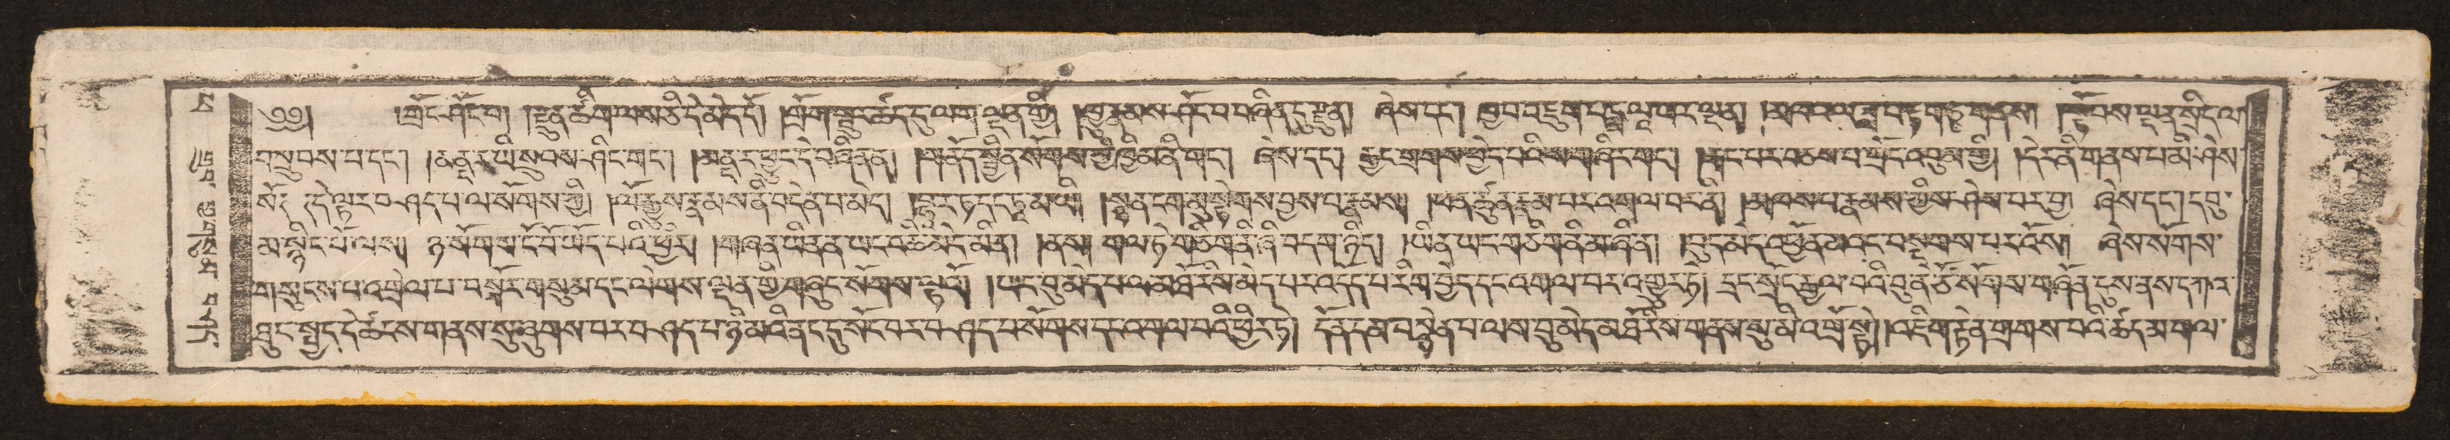༄༅། །གྲོང་ཤོང་བ། །རྫུན་ཚིག་ལས་ཅི་དེ་མེད་དོ། །གྲོག་སྦུར་ཚད་དུ་ལག་ལྡན་གྱི། །ཁྱུ་རྣམས་ཤོང་བ་བཞིན་དུ་རྫུན། ཞེས་དང་། ཁྱབ་འཇུག་པདམ་ལཱ་ཡར་ལྡན། །མཁའ་ལ་ཟླ་བ་རྟག་ཏུ་གནས། །སྟོབས་ལྡན་སྲིད་ལ་
བསྲུབས་པ་དང་། །མནྡར་ཡི་སྲུབས་ཤིང་གང་། །མནྡར་ཕྱུང་དེ་བཞིན་ན། །གནོད་སྦྱིན་སོགས་ཀྱི་ཁྱིམ་ནི་གང་། ཞེས་དང་། རྒྱང་གྲགས་ཕྱེད་པའི་ས་གཞིར་གང་། །རྐང་པར་བཅས་པ་གྲོང་འབུམ་གྱི། །དེར་ནི་གནས་པ་མི་ཤེས་
སོ༑ ༑དེ་ལྟར་བཤད་པ་ལ་སོགས་ཀྱི། །ལོ་རྒྱུས་རྣམས་ནི་བདེན་པ་མེད། །བྷཱ་ར་ཏ་དང་ཏཱ་མ་ཡི། །སྙན་ངག་མུ་སྟེགས་བྱས་པ་རྣམས། །ཕན་ཚུན་རྣམ་པར་འགལ་བར་ནི། །མཁས་པ་རྣམས་ཀྱིས་ཤེས་པར་བྱ། ཞེས་དང་། དབུ་
མ་སྙིང་པོ་ལས། ཉ་སོགས་ངོ་བོ་ཡོད་པའི་ཕྱིར། །གཞན་ཡིན་ན་ཡང་འཆི་མེད་མིན། །ནས། གལ་ཏེ་གཅིག་ནི་ཞི་བདག་ཉིད། །ཡིན་ཡང་གཅིག་ནི་མ་ཞི་ན། །བུད་མེད་འཕྱོན་མའང་བསྔགས་པར་འོས། ཞེས་སོགས་
གསུངས་པ་འགྲེལ་བ་བསྐོར་གསུམ་དང་ལེགས་ལྡན་གྱི་གཞུང་སོགས་ལྟའོ། །ཡང་བུ་མེད་པ་ལ་མཐོ་རིས་མེད་པར་འདོད་པ་རིག་བྱེད་དང་འགལ་བར་འགྱུར་ཏེ། དྲང་སྲོང་རྒྱལ་བའི་བུ་ནེ་ཙོ་སོགས་གཞོན་དུས་ནས་དཀའ་
ཐུབ་སྤྱད་དེ་ཚངས་གནས་སུ་ཞུགས་པར་བཤད་པ་ཉི་མའི་ནང་དུ་སོང་བར་བཤད་པ་སོགས་དང་འགལ་བའི་ཕྱིར་ཏེ། དོན་དམ་བསྙེན་པ་ལས་བུ་མེད་མཐོ་རིས་གནས་སུ་མི་འགྲོ་སྟེ། །འཇིག་རྟེན་གྲགས་པའི་ཚད་མ་གལ་